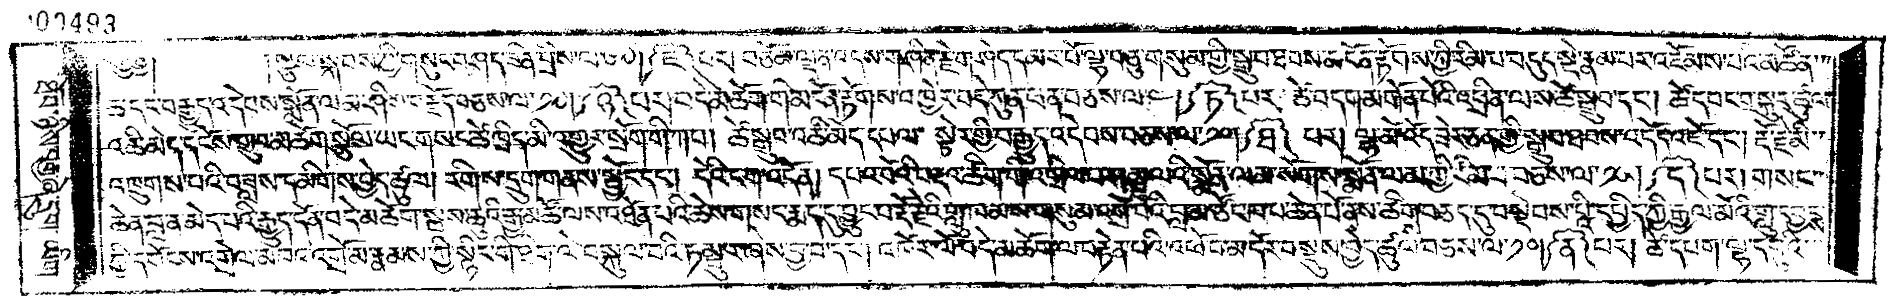༄༅། །སྩལ་སྐབས་ཀྱི་གསུང་བཤད་ཟིན་བྲིས་ལ༦༧། ༼ཇ༽ པར། བཅོམ་ལྡན་འདས་གཤིན་རྗེ་གཤེད་དམར་པོ་ལྷ་བཅུ་གསུམ་གྱི་སྒྲུབ་ཐབས་མངོན་རྟོགས་ཀྱི་རིམ་པ་བདུད་སྡེ་རྣམ་པར་འཇོམས་པའི་མཚོན་
ཆ་དང་བརྒྱུད་འདེབས་སྨོན་ལམ་ཤིས་བརྗོད་བཅས་ལ༡༧། ༼ཉ༽ པར། བདེ་མཆོག་གི་མངོན་རྟོགས་འཁྱེར་བདེ་ཀུན་ཕན་བཅས་ལ༤། ༼ཏ༽ པར། ཚེ་བདག་མགོན་པོའི་འཕྲིན་ལས་ཚེ་སྒྲུབ་དང་། ཚེ་དབང་བསྐུར་ཚུལ་
འཆི་མེད་དངོས་གྲུབ་མཆོག་སྩོལ་ཡང་གསང་ཚེ་ཁྲིད་མི་འགྱུར་སྲོག་གི་ཀབ། ཚེ་སྒྲུབ་འཆི་མེད་དཔལ་སྟེར་གྱི་བརྒྱུད་འདེབས་བཅས་ལ༡༠། ༼ཐ༽ པར། ལྷ་མོ་འོད་ཟེར་ཅན་གྱི་སྒྲུབ་ཐབས་འདོད་འཇོ་དང་། རྡོ་རྗེ་མི་
འཁྲུགས་པའི་བཟླས་དམིགས་བྱེད་ཚུལ། རིགས་དྲུག་གནས་སྦྱོང་དང་། དེའི་ངང་འདོན། དཔའ་བོའི་བརྡའ་ཚིག་གི་འགྲེལ་བ་ཤམྦྷ་ལའི་སྨོན་ལམ་སོགས་ཀྱི་རིམ་པ་བཅས་ལ༡༦། ༼ད༽ པར། གསང་
ཆེན་བླ་ན་མེད་པའི་རྒྱུད་དོན་བདེ་མཆོག་སྦས་ཆུའི་རྒྱ་མཚོ་ལས་འཐོན་པའི་ཆེས་གསང་རྨད་དུ་བྱུང་བ་རྡོ་རྗེའི་གླུ་ཁམས་གསུམ་འགྲོ་བའི་བླ་མ་ཙོང་ཁ་པ་ཆེན་པོ་ནས་ཚིགས་བཅད་དུ་བསྡེབས་པའི་དཔྱིད་ཀྱི་རྒྱལ་མོའི་གླུ་དབྱངས་
གྱི་དགོངས་འགྲེལ་མཁའ་འགྲོ་མ་རྣམས་ཀྱི་སྙིང་གི་ཐིག་ལེ་བསྐུལ་བའི་ཏམྦུ་ར་ཞེས་བྱ་བ་དང་། འཁོར་ལོ་བདེ་མཆོག་ལ་བརྟེན་པའི་འཕོ་བ་མདོར་བསྡུས་བྱེད་ཚུལ་བཅས་ལ༡༠།༼ན༽ པར། ཚེ་དཔག་ལྷ་དགུའི་